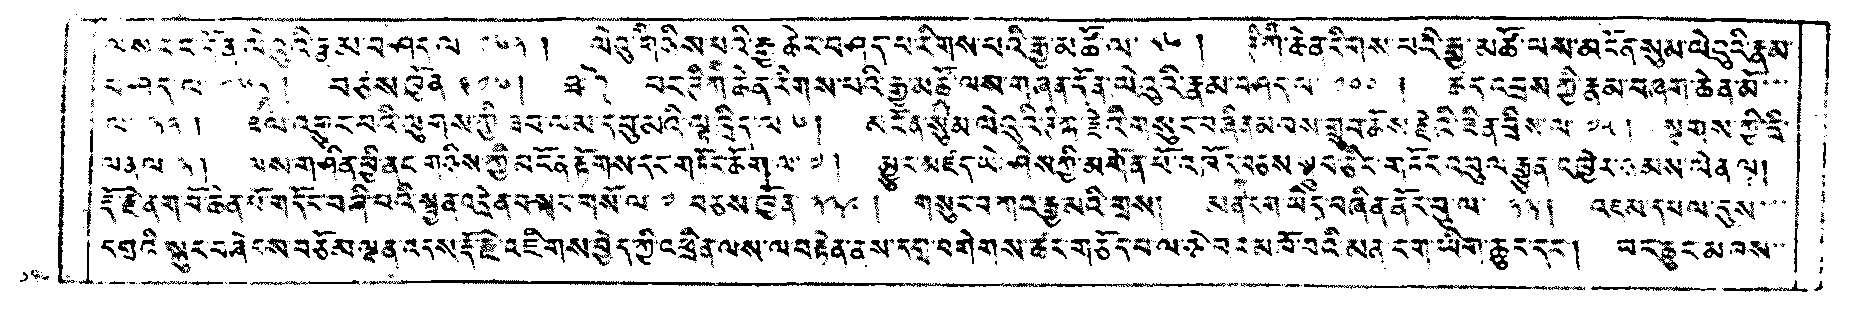ལས་རང་དོན་ལེའུའི་རྣམ་བཤད་ལ ༡༦༢། ག་ལེའུ་གཉིས་པའི་རྒྱ་ཆེར་བཤད་པ་རིགས་པའི་རྒྱ་མཚོ་ལ ༨༦། ག་ཊིཀ་ཆེན་རིགས་པའི་རྒྱ་མཚོ་ལས་མངོན་སུམ་ལེའུའི་རྣམ་
བཤད་ལ ༡༦༨ ༡}། བཅས་ཁྱོན ༤༡༦། ཐ྄་ག་པར་ཊིཀ་ཆེན་རིགས་པའི་རྒྱ་མཚོ་ལས་གཞན་དོན་ལེའུའི་རྣམ་བཤད་ལ ༡༠༠། ཚད་འབྲས་ཀྱི་རྣམ་བཞག་ཆེན་མོ་
ལ ༣༢། ཐལ་འགྱུར་བའི་ལུགས་ཀྱི་ཟབ་ལམ་དབུ་མའི་ལྟ་ཁྲིད་ལ ༦། མངོན་སུམ་ལེའུའི་ཊིཀྐ་རྗེའི་གསུང་བཞིན་མཁས་གྲུབ་ཆོས་རྗེའི་ཟིན་བྲིས་ལ ༧༥། སྔགས་ཀྱི་དྲི་
ལན་ལ ༣། ལས་གཤིན་ཕྱི་ནང་གཉིས་ཀྱི་མངོན་རྟོགས་དང་གཏོར་ཆོག་ལ ༧། མྱུར་མཛད་ཡེ་ཤེས་ཀྱི་མགོན་པོ་འཁོར་བཅས་སྒྲུབ་ཅིང་གཏོར་འབུལ་རྒྱུན་འཁྱེར་ཉམས་ལེན་ལ།
རྡོ་རྗེ་ནག་པོ་ཆེན་པོ་གདོང་བཞི་པའི་སྤྱན་འདྲེན་བསྐང་གསོ་ལ ༧་བཅས་ཁྱོན ༢༣༩། གསུང་བཀའ་རྒྱ་མའི་གྲས། ཀ་མན་ངག་ཡིད་བཞིན་ནོར་བུ་ལ ༢༣། འཇམ་དཔལ་དུས་
དགྲའི་སྐུར་བཞེངས་བཅོམ་ལྡན་འདས་རྡོ་རྗེ་འཇིགས་བྱེད་ཀྱི་འཕྲིན་ལས་ལ་བརྟེན་ནས་དགྲ་བགེགས་ཚར་གཅོད་པ་ལ་ཉེ་བར་མཁོ་བའི་མན་ངག་ཡིག་ཆུང་དང་། ཡང་ཆུང་མཁས་